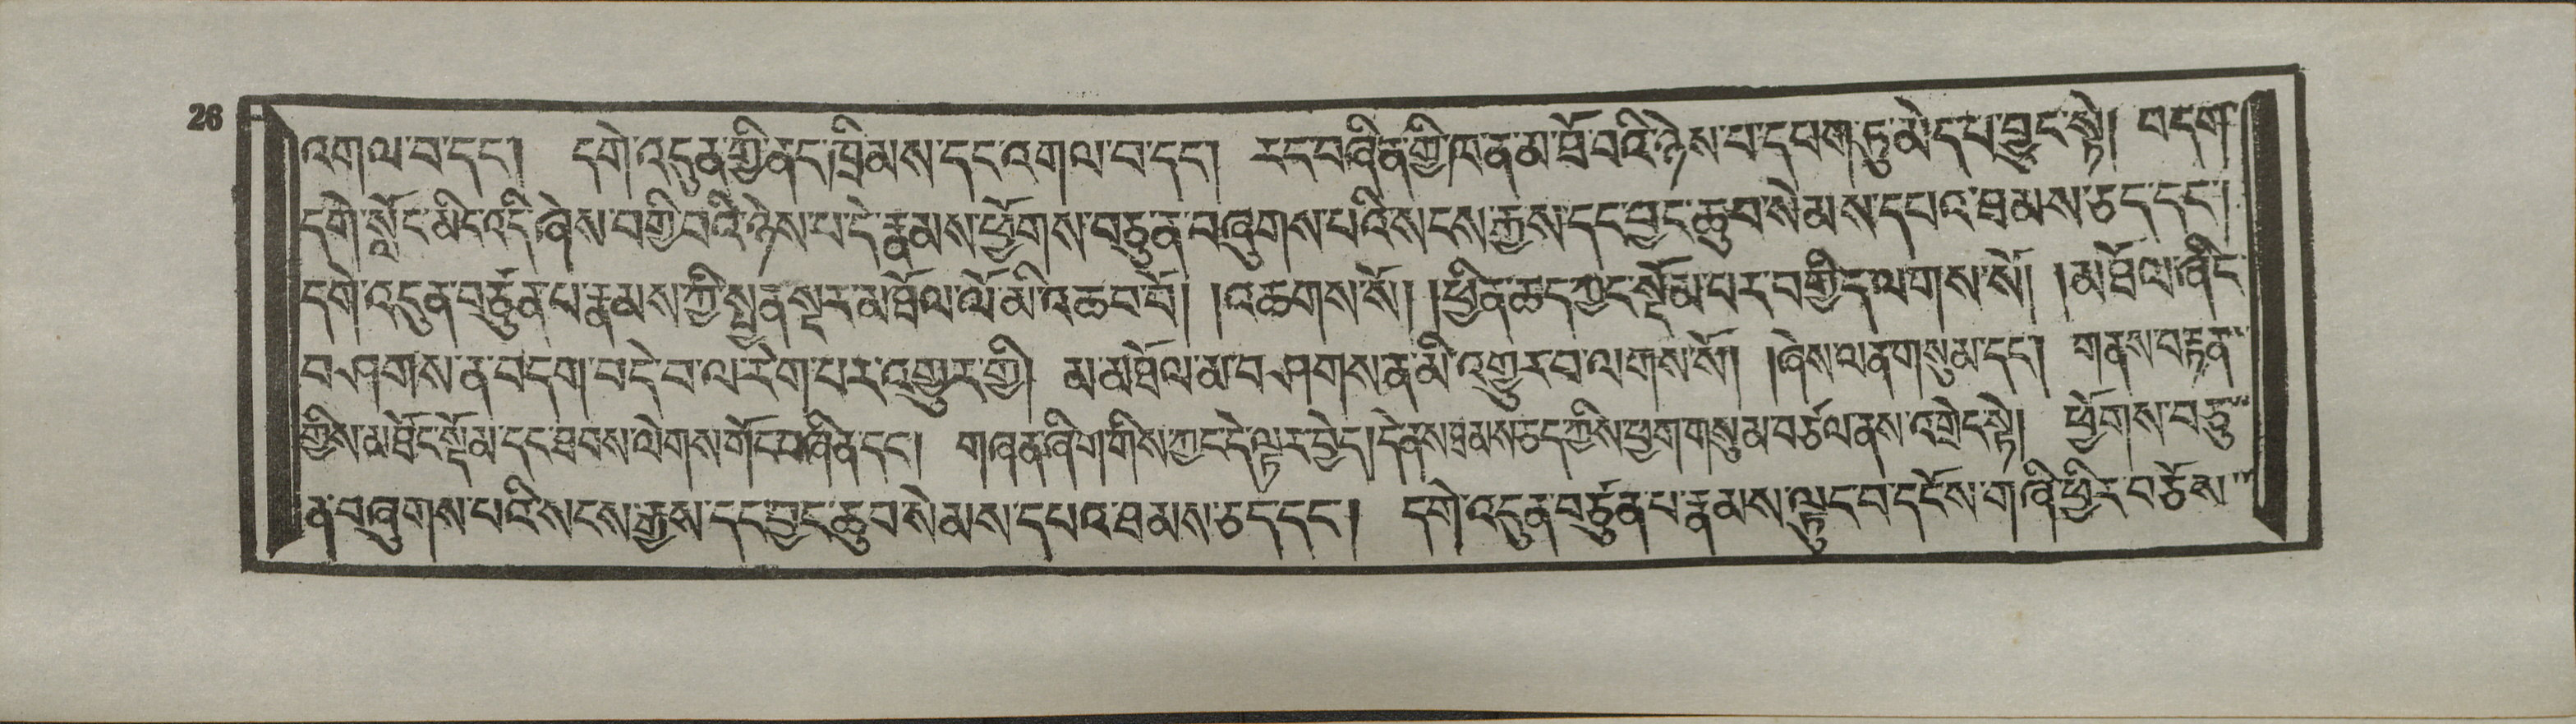འགལ་བ་དང་། དགེ་འདུན་གྱི་ནང་ཁྲིམས་དང་འགལ་བ་དང་། རང་བཞིན་གྱི་ཁ་ན་མ་ཐོ་བའི་ཉེས་པ་དཔག་ཏུ་མེད་པ་བྱུང་སྟེ། བདག་
དགེ་སློང་མིང་འདི་ཞེས་བགྱི་བའི་ཉེས་པ་དེ་རྣམས་ཕྱོགས་བཅུ་ན་བཞུགས་པའི་སངས་རྒྱས་དང་བྱང་ཆུབ་སེམས་དཔའ་ཐམས་ཅད་དང་།
དགེ་འདུན་བཙུན་པ་རྣམས་ཀྱི་སྤྱན་སྔར་མཐོལ་ལོ་མི་འཆབ་བོ། །འཆགས་སོ། །ཕྱིན་ཆད་ཀྱང་སྡོམ་པར་བགྱིད་ལགས་སོ། །མཐོལ་ཞིང་
བཤགས་ན་བདག་བདེ་བ་ལ་རེག་པར་འགྱུར་གྱི། མ་མཐོལ་མ་བཤགས་ན་མི་འགྱུར་བ་ལགས་སོ། །ཞེས་ལན་གསུམ་དང་། གནས་བརྟན་
གྱིས་མཐོང་སྡོམ་དང་ཐབས་ལེགས་གོང་བཞིན་དང་། གཞན་ཞིག་གིས་ཀྱང་དེ་ལྟར་བྱེད། དེ་ནས་ཐམས་ཅད་ཀྱིས་ཕྱག་གསུམ་བཙལ་ནས་འགྲེང་སྟེ། ཕྱོགས་བཅུ་
ན་བཞུགས་པའི་སངས་རྒྱས་དང་བྱང་ཆུབ་སེམས་དཔའ་ཐམས་ཅད་དང་། དགེ་འདུན་བཙུན་པ་རྣམས་ལྟུང་བ་དངོས་གཞི་ཕྱིར་བཅོས་